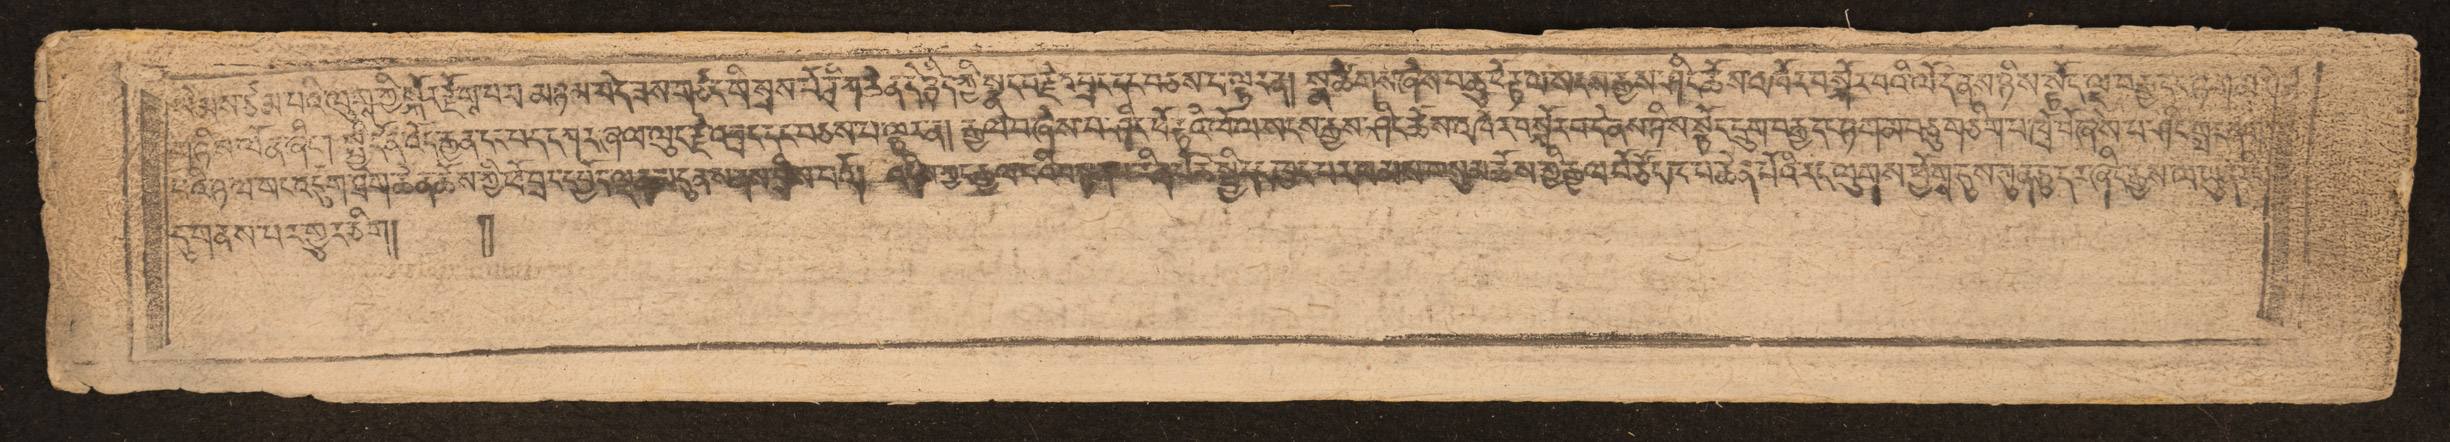སེམས་ཙམ་པའི་ལུགས་ཀྱི་སྐོར་རྫོགས་པམ་མཉམ་མེད་ཟས་གཙང་གི་སྲས་པོ་ཊིཀ་ཆེན་དེ་ཉིད་གྱི་སྣང་བ་རྗེ་འབྲང་དང་བཅས་པ་ལྟར་ན། སྣ་ཚོགས་ཞེས་པ་ཆུ་ཕོ་རྟ་ལ་སངས་རྒྱས་ཤིང་ཆོས་འཁོར་བསྐོར་བའི་ལོ་དེ་ནས་ཉིས་སྟོང་ལྔ་བརྒྱ་དང་ཉག་མར་
གཉིས་ལོན་ཞིང་། སྤྱི་དོན་འོད་རྒྱན་དང་པད་དཀར་ཞལ་ལུང་རྗེ་འབྲང་དང་བཅས་པ་ལྟར་ན། རྒྱལ་བ་ཞེས་པ་ཤིང་ཕོ་རྟའི་ལོ་ལ་སངས་རྒྱས་ཤིང་ཆོས་འཁོར་བསྐོར་བ་དེ་ནས་ཉིས་སྟོང་དྲུག་བརྒྱ་དང་ཉག་མ་བཅུ་གཅིག་པ་ཁྲོ་བོ་ཞེས་པ་ཤིང་གླང་ནག་
པའི་ཉ་ལ་གང་འདུག་ཐེག་ཆེན་ཆོས་ཀྱི་ཕོ་བྲང་དཔྱོད་ལྡན་མདུན་ས་ནས་བྲིས་པའོ། འདིས་ཀྱང་རྒྱལ་བའི་བསྟན་པ་རིན་པོ་ཆེ་སྤྱི་དང་ཁྱད་པར་ཁམས་གསུམ་ཆོས་ཀྱི་རྒྱལ་པོ་ཙོང་ཁ་པ་ཆེན་པོའི་རང་ལུགས་ཕྱོགས་དུས་ཀུན་ཏུ་དར་ཞིང་རྒྱས་ལ་ཡུན་རིང་
དུ་གནས་པར་གྱུར་ཅིག། །།